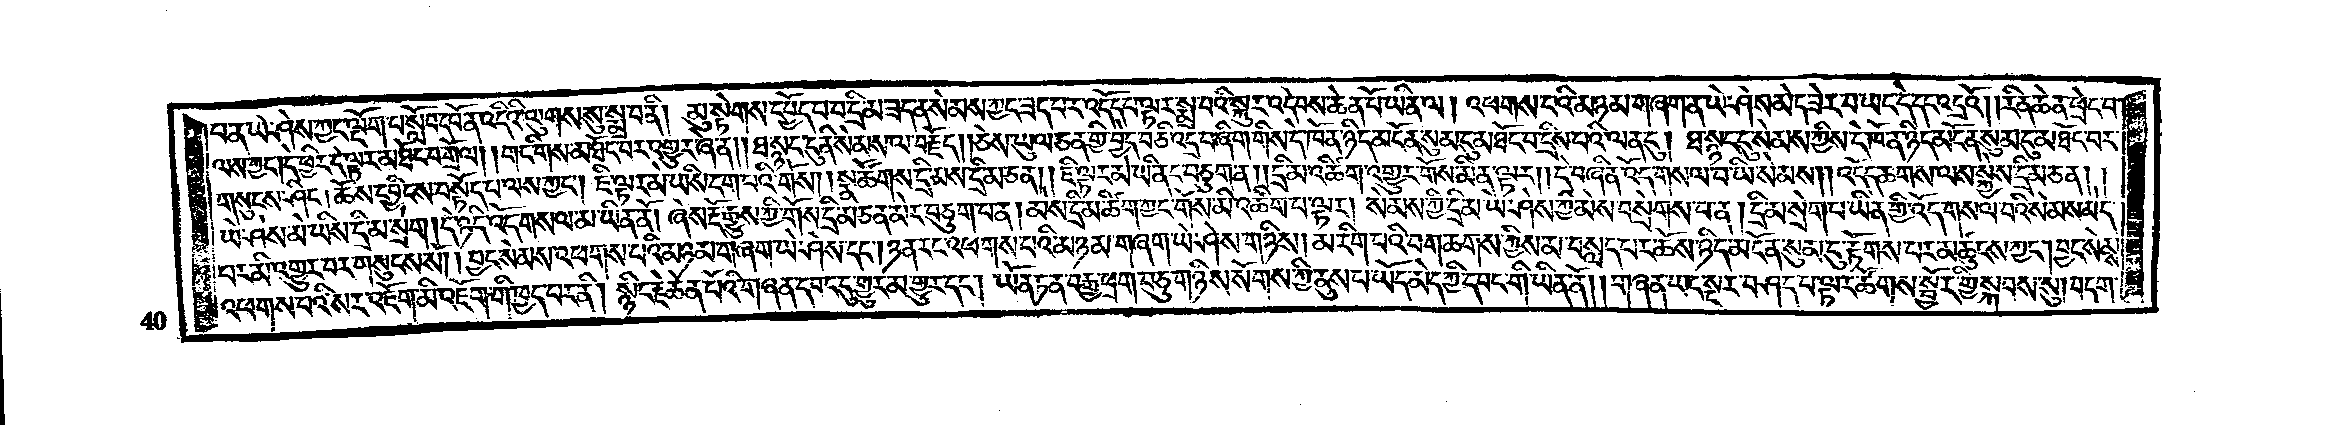པ་ན་ཡེ་ཤེས་ཀྱང་ལྡོག་པ་སློབ་དཔོན་འདིའི་ལུགས་སུ་སྨྲ་བ་ནི། མུ་སྟེགས་དཔྱོད་པ་བ་དྲི་མ་ཟད་ན་སེམས་ཀྱང་ཟད་པར་འདོད་པ་ལྟར་སྨྲ་བའི་སྐུར་འདེབས་ཆེན་པོ་ཡིན་ལ། འཕགས་པའི་མཉམ་གཞག་ན་ཡེ་ཤེས་མེད་ཟེར་བ་ཡང་དེ་དང་འདྲའོ། །རིན་ཆེན་ཕྲེང་བ་
ལས་ཀྱང་། དེ་ཕྱིར་དེ་ལྟར་མཐོང་བ་གྲོལ། །གང་གིས་མཐོང་བར་འགྱུར་ཞེ་ན། །ཐ་སྙད་དུ་ནི་སེམས་ལ་བརྗོད། །ཅེས་ཡུལ་ཅན་གྱི་བྱེད་པ་ཅི་འདྲ་བ་ཞིག་གིས་དེ་ཁོ་ན་ཉིད་མངོན་སུམ་དུ་མཐོང་བ་དྲིས་པའི་ལན་དུ། ཐ་སྙད་དུ་སེམས་ཀྱིས་དེ་ཁོ་ན་ཉིད་མངོན་སུམ་དུ་མཐོང་བར་
གསུངས་ཤིང་། ཆོས་དབྱིངས་བསྟོད་པ་ལས་ཀྱང་། ཇི་ལྟར་མེ་ཡིས་དག་པའི་གོས། །སྣ་ཚོགས་དྲི་མས་དྲི་མ་ཅན། །ཇི་ལྟར་མེ་ཡི་ནང་བཅུག་ན། །དྲི་མ་འཚིག་འགྱུར་གོས་མིན་ལྟར། །དེ་བཞིན་འོད་གསལ་བ་ཡི་སེམས། །འདོད་ཆགས་ལས་སྐྱེས་དྲི་མ་ཅན། །
ཡེ་ཤེས་མེ་ཡིས་དྲི་མ་སྲེག །དེ་ཉིད་འོད་གསལ་མ་ཡིན་ནོ། ཞེས་རྡོ་རྒྱུས་ཀྱི་གོས་དྲི་མ་ཅན་མེར་བཅུག་པ་ན། མེས་དྲི་མ་ཚིག་ཀྱང་གོས་མི་འཚིག་པ་ལྟར། སེམས་ཀྱི་དྲི་མ་ཡེ་ཤེས་ཀྱི་མེས་བསྲེགས་པ་ན། དྲི་མ་སྲེག་པ་ཡིན་གྱི་འོད་གསལ་བའི་སེམས་མེད་
པར་མི་འགྱུར་བར་གསུངས་སོ། །བྱང་སེམས་འཕགས་པའི་མཉམ་གཞག་ཡེ་ཤེས་དང་། ཉན་རང་འཕགས་པའི་མཉམ་གཞག་ཡེ་ཤེས་གཉིས། མ་རིག་པའི་བག་ཆགས་ཀྱིས་མ་བསླད་པར་ཆོས་ཉིད་མངོན་སུམ་དུ་རྟོགས་པར་མཚུངས་ཀྱང་། བྱང་སེམས་
འཕགས་པའི་སར་འཇོག་མི་འཇོག་གི་ཁྱད་པར་ནི། སྙིང་རྗེ་ཆེན་པོའི་གཞན་དབང་དུ་གྱུར་མ་གྱུར་དང་། ཡོན་ཏན་བརྒྱ་ཕྲག་བཅུ་གཉིས་སོགས་ཀྱི་ནུས་པ་ཡོད་མེད་ཀྱི་དབང་གི་ཡིན་ནོ། །གཞན་ཡང་སྔར་བཤད་པ་ལྟར་ཚོགས་སྦྱོར་གྱི་སྐབས་སུ། བདག་